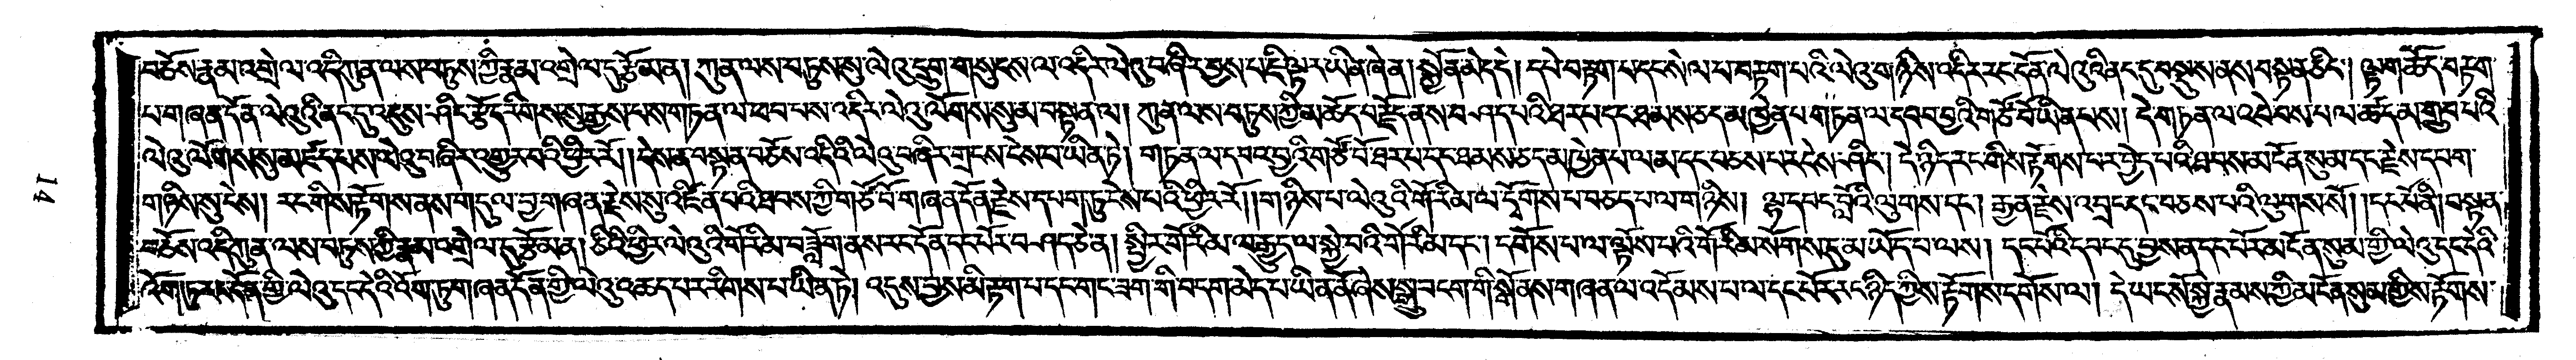བཅོས་རྣམ་འགྲེལ་འདི་ཀུན་ལས་བཏུས་ཀྱི་རྣམ་འགྲེལ་དུ་རྩོམ་ན། ཀུན་ལས་བཏུས་སུ་ལེའུ་དྲུག་གསུངས་ལ་འདིར་ལེའུ་བཞིར་བྱས་པ་ཇི་ལྟར་ཡིན་ཞེ་ན། སྐྱོན་མེད་དེ། དཔེ་བརྟག་པ་དང་སེལ་བ་བརྟག་པའི་ལེའུ་གཉིས་འདིར་རང་དོན་ལེའུའི་ནང་དུ་བསྡུས་ནས་བསྟན་ཅིང་། ལྟག་ཆོད་བརྟག་
པ་གཞན་དོན་ལེའུའི་ནང་དུ་འདུས་ཤིང་རྩོད་རིགས་སུ་རྒྱས་པར་གཏན་ལ་ཕབ་པས་འདིར་ལེའུ་ལོགས་སུ་མ་བསྟན་ལ། ཀུན་ལས་བཏུས་ཀྱི་མཆོད་བརྗོད་ནས་བཤད་པའི་ཐར་པ་དང་ཐམས་ཅད་མཁྱེན་པ་གཏན་ལ་དབབ་བྱའི་གཙོ་བོ་ཡིན་པས། དེ་གཏན་ལ་འབེབས་པ་ལ་ཚད་མ་གྲུབ་པའི་
ལེའུ་ལོགས་སུ་མཛད་པས་ལེའུ་བཞིར་འགྱུར་བའི་ཕྱིར་རོ། །དེས་ན་བསྟན་བཅོས་འདིའི་ལེའུ་བཞིར་གྲངས་ངེས་པ་ཡིན་ཏེ། གཏན་ལ་དབབ་བྱའི་གཙོ་བོ་ཐར་པ་དང་ཐམས་ཅད་མཁྱེན་པ་ལམ་དང་བཅས་པར་ངེས་ཤིང་། དེ་ཉིད་རང་གིས་རྟོགས་པར་བྱེད་པའི་ཐབས་མངོན་སུམ་དང་རྫས་དཔག་
གཉིས་སུ་ངེས། རང་གིས་རྟོགས་ནས་གདུལ་བྱ་གཞན་རྫས་སུ་འཛིན་པའི་ཐབས་ཀྱི་གཙོ་བོ་གཞན་དོན་རྗེས་དཔག་ཏུ་ངེས་པའི་ཕྱིར་རོ། །གཉིས་པ་ལེའུའི་གོ་རིམ་ལ་དྭོགས་པ་བཅད་པ་ལ་གཉིས། ལྷ་དབང་བློའི་ལུགས་དང་། རྒྱན་རྗེས་འབྲང་དང་བཅས་པའི་ལུགས་སོ། །དང་པོ་ནི། བསྟན་
བཅོས་འདི་ཀུན་ལས་བཏུས་ཀྱི་རྣམ་འགྲེལ་དུ་རྩོམ་ན། ཅིའི་ཕྱིར་ལེའུའི་གོ་རིམ་པ་ཟློག་ནས་རང་དོན་དང་པོར་བཤད་ཅེ་ན། སྤྱིར་གོ་རིམ་པ་རྒྱུན་ལ་སྐྱེ་བའི་གོ་རིམ་དང་། དགོས་པ་ལ་ལྟོས་པའི་གོ་རིམ་སོགས་དུ་མ་ཡོད་པ་ལས། དང་པོའི་དབང་དུ་བྱས་ན་དང་པོར་མངོན་སུམ་གྱི་ལེའུ་དང་དེའི་
འོག་ཏུ་རང་དོན་གྱི་ལེའུ་དང་དེའི་འོག་ཏུ་གཞན་དོན་གྱི་ལེའུ་འཆད་པར་རིགས་པ་ཡིན་ཏེ། འདུས་བྱས་མི་རྟག་པ་དང་གང་ཟག་གི་བདག་མེད་པ་ཡིན་ནོ་ཞེས་སྒྲུབ་ངག་གི་སྒོ་ནས་གཞན་ལ་འདོམས་པ་ལ་དང་པོར་རང་ཉིད་ཀྱིས་རྟོགས་དགོས་ལ། དེ་ཡང་སོ་སྐྱེ་རྣམས་ཀྱི་མངོན་སུམ་གྱིས་རྟོགས་